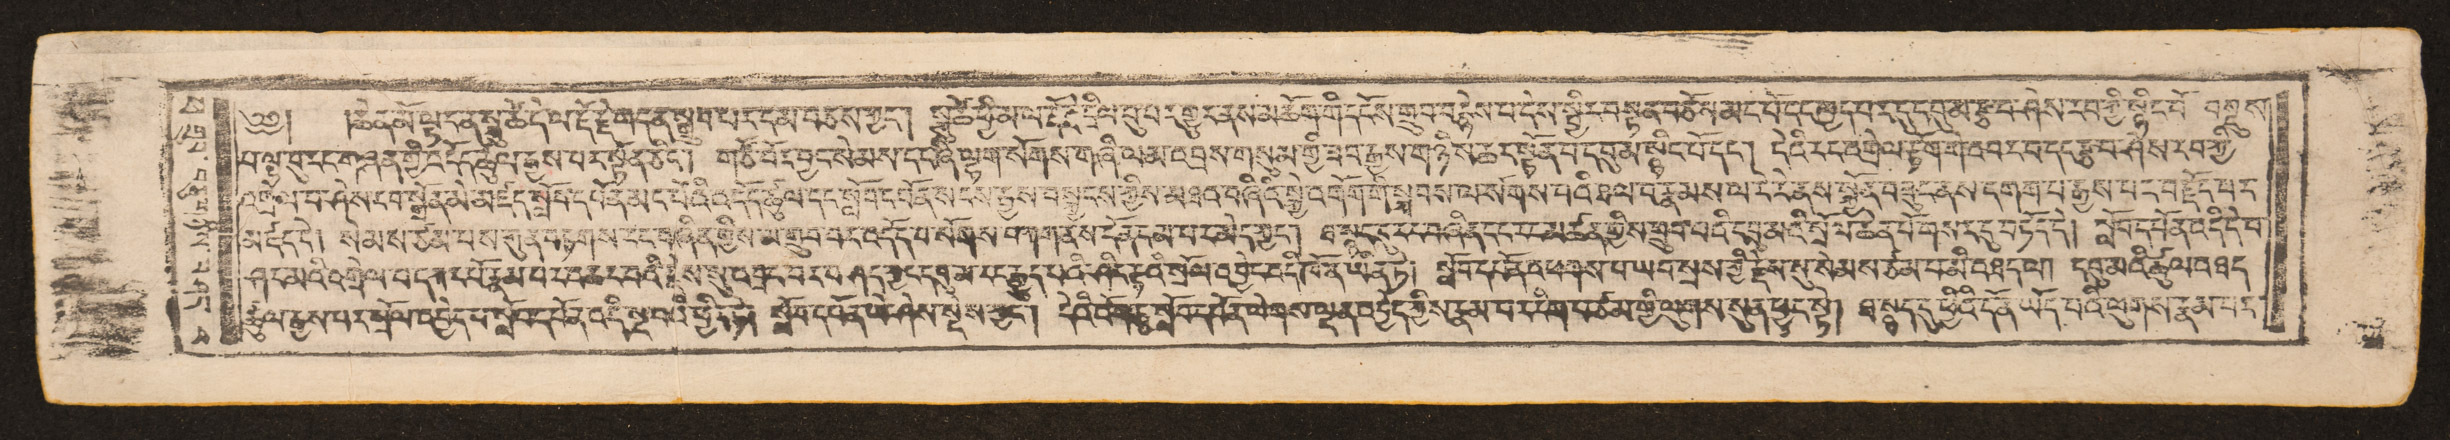༄༅། །ཆེན་མོ་ལྟར་ན་སྐུ་ཚེ་དེ་ལ་རྡོ་རྗེ་གདན་སྒྲུབ་པར་དམ་བཅས་ཀྱང་། སྐུ་ཚེ་ཕྱི་མ་ལ་རྡོ་རྗེ་དྲིལ་བུ་བར་གྱུར་ནས་མཆོག་གི་དངོས་གྲུབ་བརྙེས་པ་དེས་སྤྱིར་བསྟན་བཅོས་མང་པོ་དང་ཁྱད་པར་དུ་དབུ་མ་རྩ་བ་ཤེས་རབ་ཀྱི་སྙིང་པོ་བསྡུས་
པ་ལྟ་བུ་རང་གཞན་གྱི་འདོད་ཚུལ་རྒྱས་པར་སྟོན་ཅིང་། གཙོ་བོར་བྱང་སེམས་དང་ཞི་ལྷག་སོགས་གཞི་ལམ་འབྲས་གསུམ་གྱི་ཟབ་རྒྱས་གཉིས་ཆར་སྟོན་པ་དབུ་མ་སྙིང་པོ་དང་། དེའི་རང་འགྲེལ་རྟོག་གེ་འབར་བ་དང་རྩ་བ་ཤེས་རབ་ཀྱི་
འགྲེལ་བ་ཤེས་རབ་སྒྲོན་མེ་མཛད་སློབ་དཔོན་མང་པོའི་འདོད་ཚུལ་དང་སློབ་དཔོན་སངས་རྒྱས་བསྐྱངས་ཀྱིས་མཐའ་བཞིའི་སྐྱེ་འགོག་གི་སྐབས་ལ་སོགས་པའི་ཐལ་བ་རྣམས་ལ་རེ་རེ་ནས་སྐྱོན་བཟུང་ནས་དགག་པ་རྒྱས་པར་བརྗོད་པར་
མཛད་དེ། སེམས་ཙམ་པས་ཀུན་བཏགས་རང་བཞིན་གྱིས་མ་གྲུབ་བར་འདོད་པ་སོགས་བཀག་ནས་དོན་དམ་པར་མེད་ཀྱང་། ཐ་སྙད་དུ་རང་བཞིན་དང་རང་མཚན་གྱིས་གྲུབ་པའི་དབུ་མའི་སྲོལ་ཆེན་པོ་གསར་དུ་བཏོད་དེ། སློབ་དཔོན་འདི་དེ་བ་
ཤར་མའི་འགྲེལ་པ་དཀར་?་པོ་རྣམ་པར་འཆད་བའི་རྗེས་སུ་འབྲང་བར་བཤད་ཀྱང་དབུ་མ་རང་རྒྱུད་པའི་ཤིང་རྟའི་སྲོལ་འབྱེད་འདི་ཁོ་ན་ཡིན་ཏེ། སློབ་དཔོན་འཕགས་པ་ཡབ་སྲས་ཀྱི་རྗེས་སུ་སེམས་ཙམ་པ་མི་འཐད་ལ། དབུ་མའི་ཚུལ་འཐད་
ཚུལ་རྒྱས་པར་སྲོལ་འབྱེད་པ་སློབ་དཔོན་འདི་སྔ་པའི་ཕྱིར་ཏེ༑ སློབ་དཔོན་ཡེ་ཤེས་སྡེས་ཀྱང་། དེའི་འོག་ཏུ་སློབ་དཔོན་ལེགས་ལྡན་འབྱེད་ཀྱིས་རྣམ་པར་རིག་པ་ཙམ་གྱི་ལུགས་སུན་ཕྱུང་སྟེ། ཐ་སྙད་དུ་ཕྱིའི་དོན་ཡོད་པའི་ལུགས་རྣམ་པར་